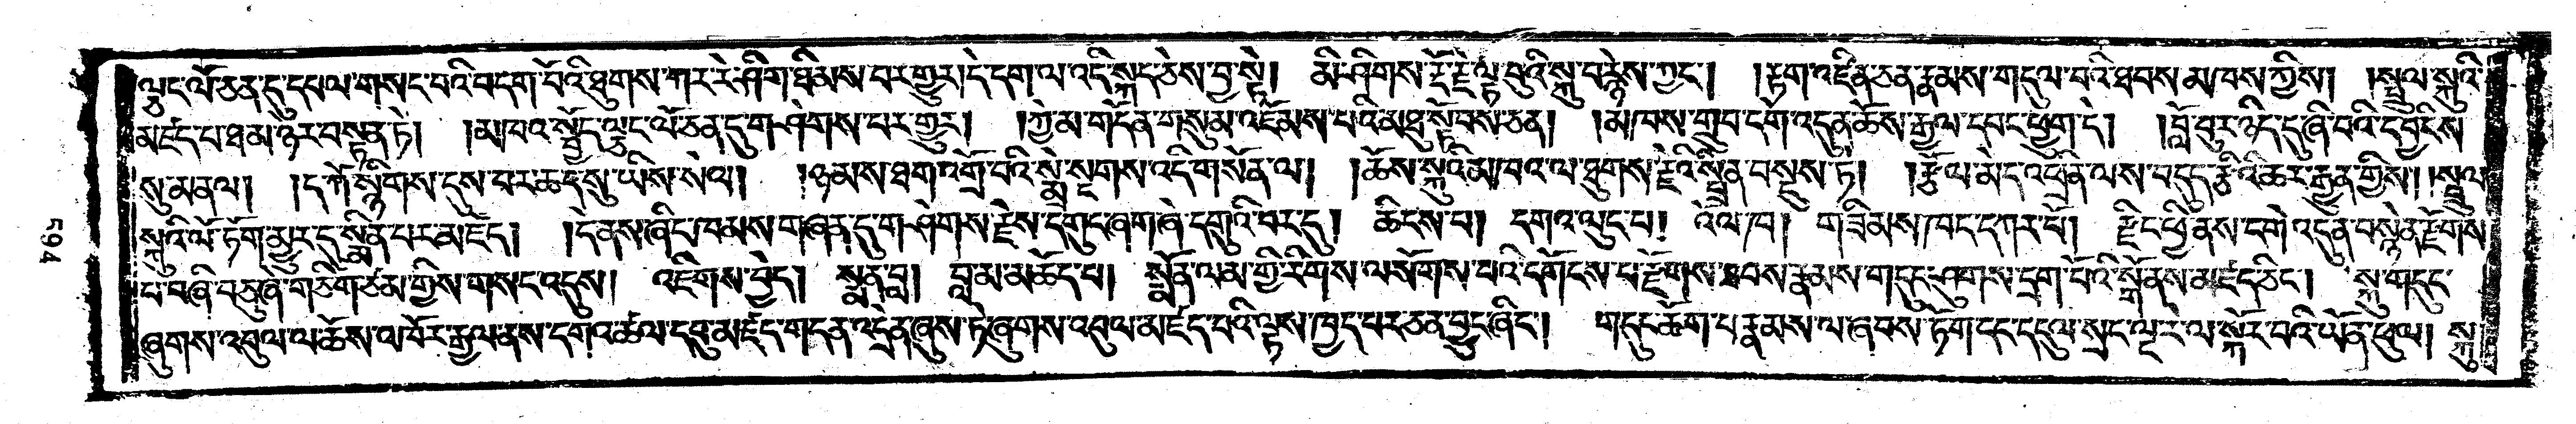ལྕང་ལོ་ཅན་དུ་དཔལ་གསང་བའི་བདག་བོའི་ཐུགས་ཀར་རེ་ཤིག་ཐིམས་བར་གྱུར། དེ་དག་ལ་འདི་སྐད་ཅེས་བྱ་སྟེ། མི་ཤིགས་རྡོ་རྗེ་ལྟ་བུའི་སྐུ་བརྙེས་ཀྱང་། །རྟག་འཛིན་ཅན་རྣམས་གདུལ་བའི་ཐབས་མཁས་ཀྱིས། །སྤྲུལ་སྐུའི་
མཛད་པ་ཐམ་ཉེར་བསྟན་ཏེ། །མཁའ་སྦྱོད་ལྕང་ལོ་ཅན་དུ་གཤེགས་པར་གྱུར། །ཀྱེ་མ་གདོན་གསུམ་འཇོམས་པའི་མཐུ་སྟོབས་ཅན། །མཁས་གྲུབ་དགེ་འདུན་ཆོས་རྒྱལ་དབང་ཕྱུག་དེ། །བློ་བུར་ཉིད་དུ་ཞི་བའི་དབྱིངས་
སུ་མནལ། །ད་ཀོ་སྙིགས་དུས་བར་ཆད་དུ་ཡིས་སེལ། །ཉམས་ཐག་འགྲོ་བའི་སྨྲེ་སྔགས་འདི་གསོན་ལ། །ཆོས་སྐུའི་མཁའ་ལ་ཐུགས་རྗེའི་སྤྲིན་བསྡུས་ཏེ། །རྩོལ་མེད་འཕྲིན་ལས་བདུད་རྩིའི་ཆར་རྒྱུན་གྱིས། །སྦྲུལ་
སྐུའི་ལོ་ཏོག་མྱུར་དུ་སྨིན་པར་མཛད། །དེ་ནས་ཞིང་ཁམས་གཞན་དུ་གཤེགས་རྗེས་དགུང་ཞག་ཞེ་དགུའི་བར་དུ། ཆིངས་པ། དགའ་ལུང་པ། འོལ་ཁ། གཟིམས་ཁང་དཀར་པོ། རྫིང་ཕྱི་ནས་དགེ་འདུན་བསྙེན་རྫོགས་
པ་བཞི་བཅུ་ཞེ་གཅིག་ཙམ་གྱིས་གསང་འདུས། འཇིགས་བྱེད། སྨན་བླ། བླ་མ་མཆོད་པ། སྨོན་ལམ་གྱི་རིགས་ལ་སོགས་པའི་དགོངས་པ་རྫོགས་ཐབས་རྣམས་གདུང་ཤུགས་དྲག་པོའི་སྒོ་ནས་མཛད་ཅིང་། སྐུ་གདུང་
ཞུགས་འབུལ་ལ་ཆོས་འཁོར་རྒྱལ་ནས་དགའ་ཚལ་དབུ་མཛད་གདན་འདྲེན་ཞུས་ཏེ་ཞུགས་འབུལ་མཛད་པའི་ལྟས་ཁྱད་པར་ཅན་བྱུང་ཞིང་། གདུང་ཆོག་པ་རྣམས་ལ་ཞབས་ཏོག་དང་དངུལ་སྲང་ལྔ་རེ་ལ་སྐོར་བའི་ཡོན་ཕུལ། སྐུ་